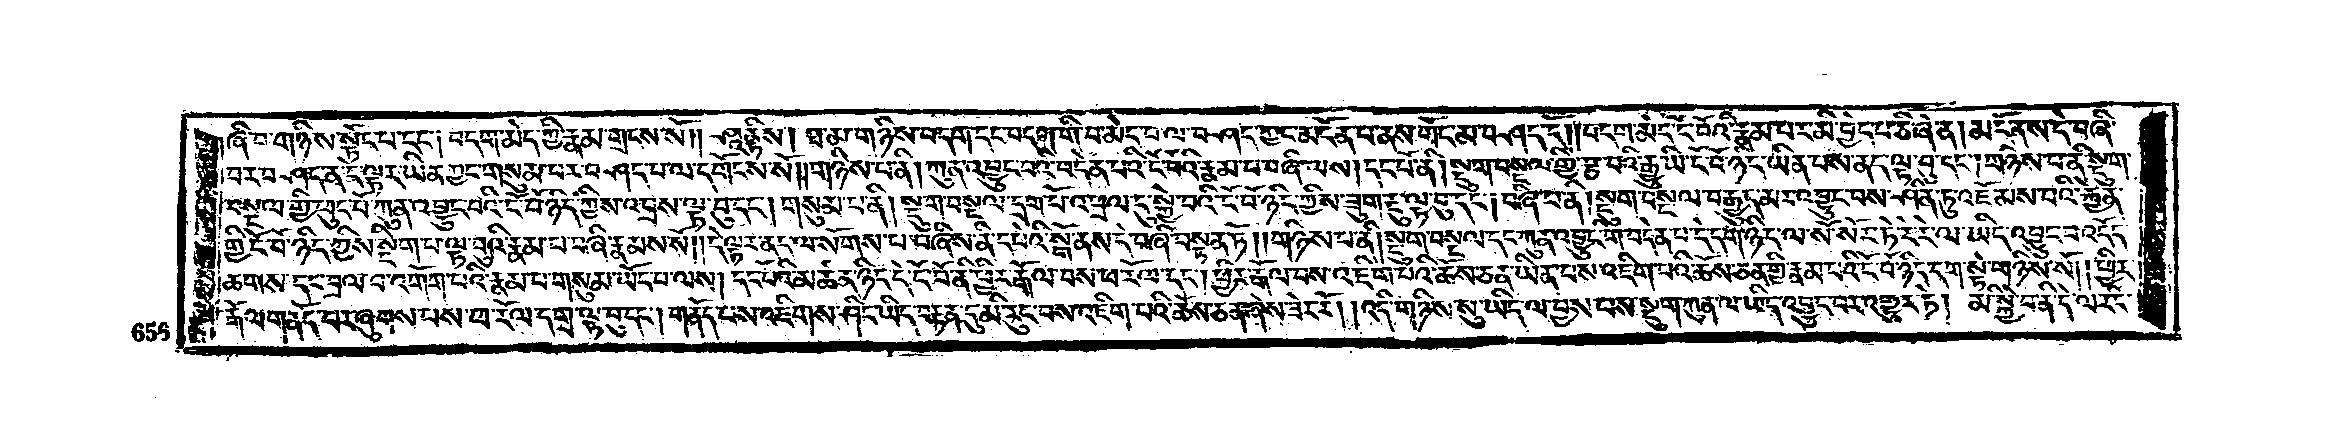ཞི་བ་གཉིས་སྟོང་པ་དང་། བདག་མེད་ཀྱི་རྣམ་གྲངས་སོ། །ཤཱནྟིས། ཐ་མ་གཉིས་བདག་དང་བདག་གི་བ་མེད་པ་ལ་བཤད་ཀྱང་མངོན་པ་ནས་གོང་མ་བཤད་དོ། །བདག་མེད་ངོ་བོའི་རྣམ་པར་མི་བྱེད་པ་ཅི་ཞེ་ན། མདོ་ནས་དེ་བཞི་
བར་བཤད་ན་དེ་ལྟར་ཡིན་ཀྱང་གསུམ་པར་བཤད་པ་ལ་དགོངས་སོ། །གཉིས་པ་ནི། ཀུན་འབྱུང་བའི་བདེན་པའི་ངོ་བོའི་རྣམ་པ་བཞི་ལས། དང་པོ་ནི། སྡུག་བསྔལ་གྱི་རྩ་བའི་རྒྱུ་ཡི་ངོ་བོ་ཉིད་ཡིན་པས་ནད་ལྟ་བུ་དང་། གཉིས་པ་ན་སྡུག་
བསྔལ་གྱི་ཕུང་པོ་ཀུན་འབྱུང་བའི་ངོ་བོ་ཉིད་ཀྱིས་འབྲས་ལྟ་བུ་དང་། གསུམ་པ་ནི། སྡུག་བསྔལ་དྲག་པོ་འཕྲལ་དུ་སྐྱེ་བའི་ངོ་བོ་ཉིད་ཀྱིས་ཟུག་རྡུ་ལྟ་བུ་དང་། བཞི་པ་ནི། སྡུག་བསྔལ་བརྒྱུད་མར་འབྱུང་བས་ཤིན་ཏུ་འཇོམས་པའི་རྐྱེན་
གྱི་ངོ་བོ་ཉིད་ཀྱིས་སྡིག་པ་ལྟ་བུའི་རྣམ་པ་བཞི་རྣམས་སོ། །དེ་ལྟར་ནད་ལ་སོགས་པ་བཞིས་ནི་དཔའི་སྒོ་ནས་དེ་བཞི་བསྟན་ཏོ། །གཉིས་པ་ནི། སྡུག་བསྔལ་དང་ཀུན་འབྱུང་གི་བདེན་པ་དེ་དག་ཉིད་ལ་སོ་སོར་ཏེ་རེ་རེ་ལ་ཡིད་འབྱུང་བ་འདོད་
ཆགས་དང་བྲལ་བ་འགོག་པའི་རྣམ་པ་གསུམ་ཡོད་པ་ལས། དང་པོའི་མཚན་ཉིད་དེ་ངོ་བོ་ནི་ཕྱིར་རྒོལ་བས་ཕ་རོལ་དང་། ཕྱིར་རྒོལ་བས་འཇིག་པའི་ཆོས་ཅན་ཡིན་པས་འཇིག་པའི་ཆོས་ཅན་གྱི་རྣམ་པའི་ངོ་བོ་ཉིད་དག་སྟེ་གཉིས་སོ། །ཕྱིར་
རྒོལ་གནོད་པར་ཞུགས་པས་ཕ་རོལ་དགྲ་ལྟ་བུ་དང་། གནོད་པས་འཇིགས་ཤིང་ཡིད་བརྟན་དུ་མི་རུང་བས་འཇིག་པའི་ཆོས་ཅན་ཞེས་ཟེར་རོ། །འདི་གཉིས་སུ་ཡིད་ལ་བྱས་པས་སྡུག་ཀུན་ལ་ཡིད་འབྱུང་བར་འགྱུར་ཏེ། མི་སྐྱེ་བ་ནི་དེ་ལ་རིང་